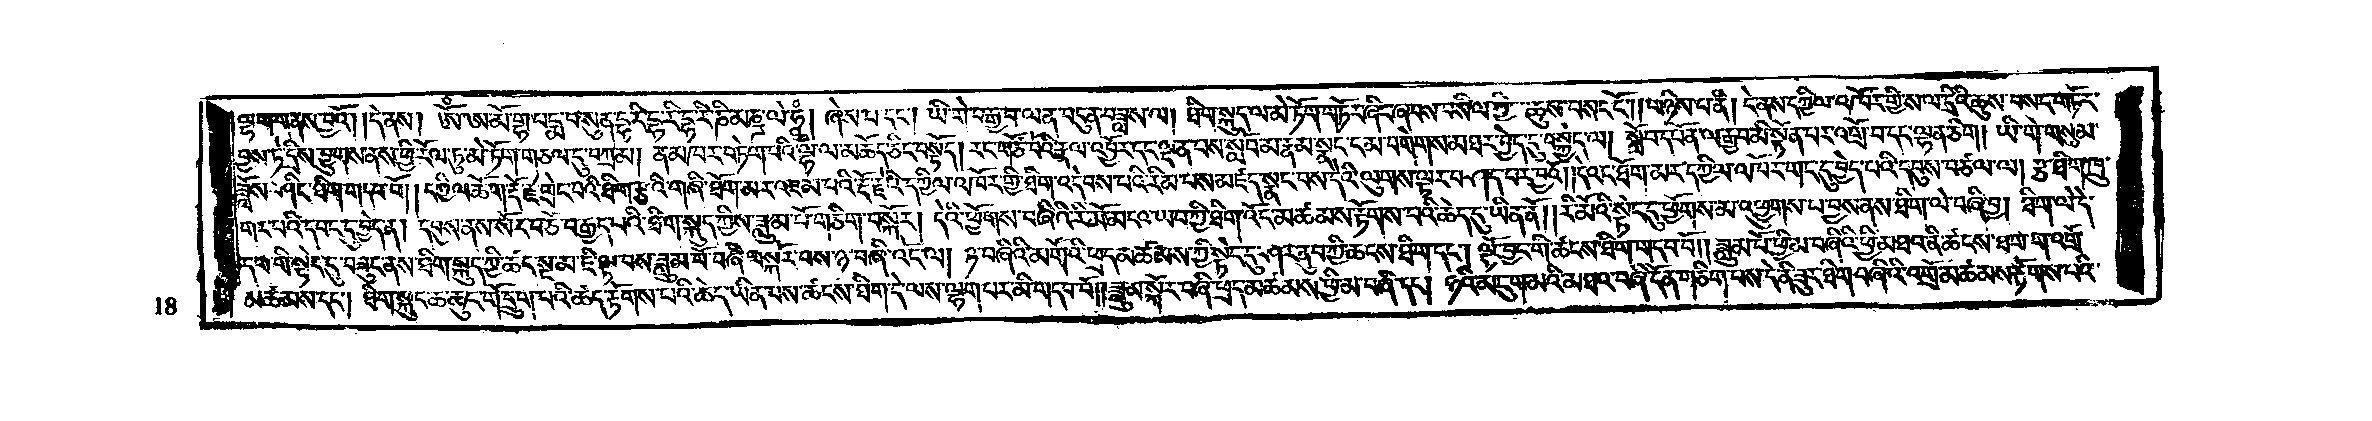ལྷག་གནས་བྱའོ། །དེ་ནས། ཨོཾ་ཨ་མོ་གྷ་པདམ་བ་སུན་དྷ་རི་དྷ་རི་དྷ་རི་ཎི་མཎཌ་ལེ་ཧཱུཾ། ཞེས་པ་དང་། ཡི་གེ་བརྒྱ་བ་ལན་བདུན་བཟླས་ལ། ཐིག་སྐུད་ལ་མེ་ཏོག་གཏོར་ཞིང་ཞབས་བསིལ་གྱི་ཆུས་བསང་ངོ། །གཉིས་པ་ནི། དེ་ནས་དཀྱིལ་འཁོར་གྱིས་ལ་དྲིའི་ཆུས་བསང་གཏོར་
བྱས་ཏེ་དྲིས་བྱུགས་ནས་ཕྱི་རོལ་ཏུ་མེ་ཏོག་གཅལ་དུ་བཀྲམ། ནམ་མཁར་བཏེག་པའི་ལྷ་ལ་མཆོད་ཅིང་བསྟོད། རང་གཙོ་བོའི་རྣལ་འབྱོར་དང་ལྡན་པས་སློབ་མ་རྣམ་སྣང་ངམ་བགེགས་མཐར་བྱེད་དུ་བསྐྱེད་ལ། སློབ་དཔོན་ལ་རྒྱབ་མི་སྟོན་པར་འགྲོ་བ་དང་ལྷན་ཅིག །ཡི་གེ་གསུམ་
ཟློས་ཤིང་ཐིག་གདབ་བོ། །དཀྱིལ་ཆོག་རྡོ་རྗེ་གྲེང་བའི་ཐིག་རྩའི་གཞི་ཐོག་མར་འཇམ་པའི་རྡོ་རྗེའི་དཀྱིལ་འཁོར་གྱི་ཐིག་འདེབས་པའི་རིམ་པས་མཛད་སྣང་བས་དེའི་ལུགས་ལྟར་བཤད་པར་བྱའོ། །དེའང་ཐོག་མར་དཀྱིལ་འཁོར་གང་དུ་བྱེད་པའི་དབུས་བཙལ་ལ། རྩ་ཐིག་ཁྲུ་
གང་བའི་དབང་དུ་བྱེད་ན། དབུས་ནས་སོར་བཅོ་བརྒྱད་པའི་ཐིག་སྐུད་ཀྱིས་ཟླུམ་པོ་གཅིག་བསྐོར། དེའི་ཕྱོགས་བཞིའི་རི་མོ་མངའ་ཡབ་ཀྱི་ཐིག་འོང་མཚམས་རྟོགས་པའི་ཆེད་དུ་ཡིན་ནོ། །རི་མོའི་སྟེང་དུ་ཕྱོགས་མ་འཕྱུགས་པ་བྱས་ནས་ཐིག་ལེ་བཞི་བྱ། ཐིག་ལེ་དེ་
དག་གི་སྟེང་དུ་བཟུང་ནས་ཐིག་སྐུད་ཀྱི་ཚད་སྔ་མ་ཇི་ལྟ་བས་ཟླུམ་པོ་བཞི་བསྐོར་བས་ཉ་བཞི་འོང་ལ། ཉ་བཞིའི་མགོའི་ཕྲད་མཚམས་ཀྱི་སྟེང་དུ་ཤར་ནུབ་ཀྱི་ཚངས་ཐིག་དང་། ལྷོ་བྱང་གི་ཚངས་ཐིག་གདབ་བོ། །ཟླུམ་པོ་ཕྱི་མ་བཞིའི་ཕྱི་མཐའ་ནི་ཚངས་ཐིག་ག་འགྲོ་
མཚམས་དང་། ཐིག་སྐུང་ཆ་ཆུང་གོ་དྲུག་པའི་ཚད་རྟོགས་པའི་ཆེད་ཡིན་པས་ཚངས་ཐིག་དེ་ལས་ལྷག་པར་མི་གདབ་བོ། །ཟླུམ་སྐོར་བཞི་ཕྲད་མཚམས་ཕྱི་མ་བཞི་དང་། ཉའི་མངུག་མའི་བཞི་དོན་གཅིག་པས་དེ་ནི་ཟུར་ཐིག་བཞིའི་འགྲོ་མཚམས་རྟོགས་པའི་